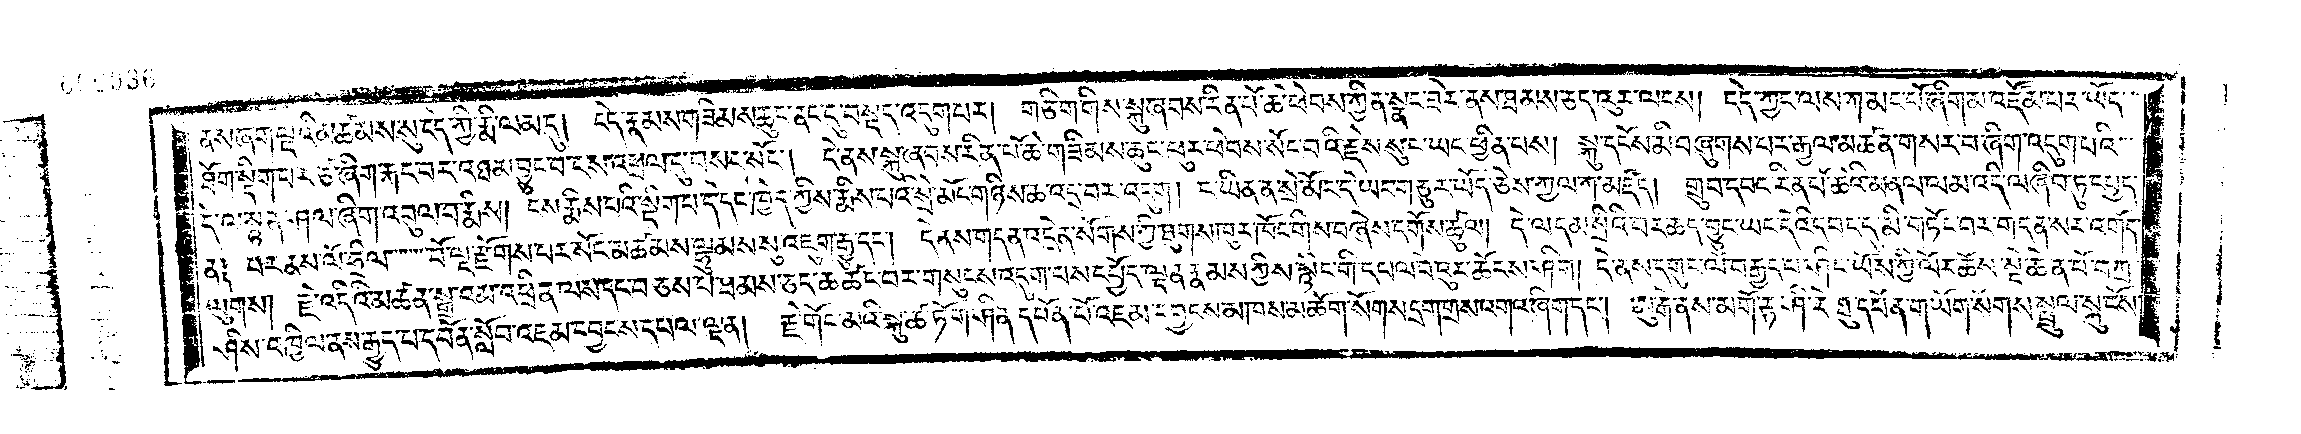ནས་ཞག་ལྡའི་མཚམས་སུ་ངེད་ཀྱི་རྨི་ལམ་དུ། ངེད་རྣམས་གཟིམས་ཆུང་ནང་དུ་བསྡད་འདུག་པར། གཅིག་གིས་སྐུ་ཞབས་རིན་པོ་ཆེ་ཕེབས་ཀྱིན་སྣང་ཟེར་ནས་ཐམས་ཅད་འུར་ལངས། ངེད་ཀྱང་ལས་ཀ་མང་པོ་ཞིག་མ་འཛོམ་བར་ཡོད་
ཐོག་སྡིག་པ་ར་ཙ་ཞིག་རྐང་བར་འཐམ་བྱུང་བ་ངས་འཕྲལ་དུ་བསང་སོང་། དེ་ནས་སྐུ་ཞབས་རིན་པོ་ཆེ་གཟིམས་ཆུང་ཕུར་ཕེབས་སོང་བའི་རྗེས་སུ་ང་ཡང་ཕྱིན་པས། སྐུ་དངོས་མི་བཞུགས་པར་རྒྱལ་མཚན་གསར་བ་ཞིག་འདུག་པའི་
དེ་ལ་སྟན་ཤལ་ཞིག་འབུལ་བ་རྨིས། ངས་རྨིས་པའི་སྡིག་པ་དེ་དང་ཁྱེད་ཀྱིས་རྨིས་བའི་སྲེ་མོང་གཉིས་ཆ་འདྲ་བར་འདུག། ང་ཡིན་ན་སྲེ་མོང་དེ་ཡང་གཅུར་ཡོད་ཅེས་ཀྱལ་ཀ་མཛད། གྲུབ་དབང་རིན་པོ་ཆེའི་མནལ་ལམ་འདི་ལ་ཞིབ་ཏུ་དཔྱད་
ན༑ བར་ནས་ལོ་ཧྲིལ་པོ་ལྔ་རྫོགས་བར་སོང་མཚམས་ལྷུམས་སུ་འཇུག་རྒྱུ་དང་། དེ་ནས་གདན་འདྲེན་སོགས་ཀྱི་ཐུགས་ཁུར་ཁོང་གིས་བཞེས་དགོས་ཚུལ། དེ་ལ་དམ་སྲིའི་བར་ཆད་བྱུང་ཡང་དེའི་དབང་དུ་མི་གཏོང་བར་གདན་སར་འགོད་
ལུགས། རྗེ་འདིའི་མཚན་སྒྲ་འམ་འཕྲིན་ལས་དང་བཅས་པ་ཐམས་ཅད་ཆ་ཚང་བར་གསུངས་འདུག་པས་དཔྱོད་ལྡན་རྣམས་ཀྱིས་སྙིང་གི་དཔལ་བེའུར་ཆོངས་ཤིག། དེ་ནས་དགུང་ལོ་བརྒྱད་པ་ཤིང་ཡོས་ཀྱི་ལོར་ཆོས་སྡེ་ཆེན་པོ་བཀྲ་
ཤིས་འཁྱིལ་ནས་རྒྱུད་པ་དཔོན་སློབ་འཇམ་དབྱངས་དཔལ་ལྡན། རྗེ་གོང་མའི་སྐུ་ཚ་ཏོག་ཤིན་དབོན་པོ་འཇམ་དབྱངས་མཁས་མཆོག་སོགས་དྲག་གྲས་འགའ་ཞིག་དང་། ཨུ་རྒེ་ནས་མགོ་རྟ་ཤི་རེ་ཐུ་དབོན་གཡོག་སོགས་སྤྲུལ་སྐུ་ངོས་